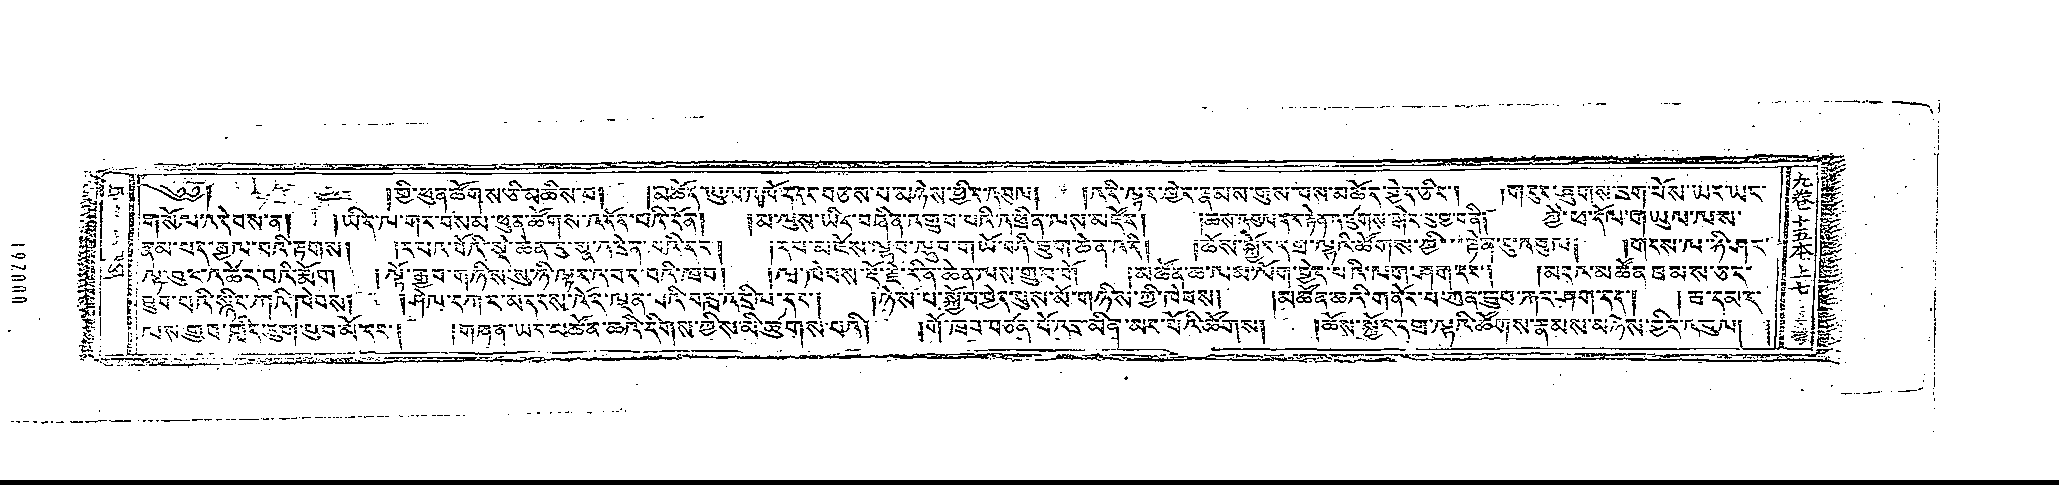༄༅། །གྱི་ཕུན་ཚོགས་ཅི་མཆིས་པ། །མཆོད་ཡུལ་འཁོར་དང་བཅས་པ་མཉེས་ཕྱིར་འབུལ། །འདི་ལྟར་ཁྱེད་རྣམས་གུས་པས་མཆོད་བྱེད་ཅིང་། །གདུང་ཤུགས་དྲག་པོས་ཡང་ཡང་
གསོལ་འདེབས་ན། །ཡིད་ལ་གང་བསམ་ཕུན་ཚོགས་འདོད་པའི་དོན། །མ་ལུས་ཡིད་བཞིན་འགྲུབ་པའི་འཕྲིན་ལས་མཛོད། །ཆས་འབུལ་དང་རྟེན་འཛུགས་སྒེར་དུ་བྱ་བ་ནི། ཀྱཻ་ཕ་རོལ་ག་ཡུལ་ལས་
རྣམ་པར་རྒྱལ་བའི་རྟགས། །དཔའ་བོའི་སྡེ་ཆེན་རུ་སྣ་འདྲེན་པའི་དར། །རབ་མཛེས་ལྷབ་ལྷུབ་གཡོ་བའི་ཐུག་ཆེན་འདི། །ཆོས་སྐྱོང་དགྲ་ལྷའི་ཚོགས་ཀྱི་རྟེན་དུ་འབུལ། །གངས་ལ་ཉི་ཤར་
ལྟ་བུར་འཚེར་བའི་རྨོག །ལྷོ་རྒྱབ་གཉིས་སུ་ཉི་ལྷར་འྤར་བའི་ཁྲབ། །ལྦ་ཁེབས་རྡོ་རྗེ་རིན་ཆེན་ལས་གྲུབ་གོ །མཚོན་ཆ་ལམ་ལོག་བྱེད་བའི་ལག་ཤག་དང་། །མདའ་མཚོན་ཐམས་ཅད་
ཐུབ་པའི་སྙིང་ཀའི་ཁེབས། །ཤེལ་དཀར་མདངས་འོད་ལྡན་པའི་བརླ་འདྲིལ་དང་། །ཉེས་པ་སྐྱོབ་བྱེད་པུས་མོ་གཉིས་ཀྱི་ཁེབས། །མཚོན་ཆའི་གནོད་པ་ཀུན་ཐུབ་རྐང་ཤག་དང་། །རྦ་དམར་
ལས་གྲུབ་གླིང་དྲུག་ཕུབ་མོ་དང་། །གཞན་ཡང་མཚོན་ཆའི་རིགས་ཀྱིས་མི་ཚུགས་པའི། །གོ་ཁྲབ་བཙན་པོ་འདྲ་མིན་མང་བོའི་ཚོགས། །ཆོས་སྐྱོད་དགྲ་ལྷའི་ཚོགས་རྣམས་མཉེས་ཕྱིར་འབུལ། །